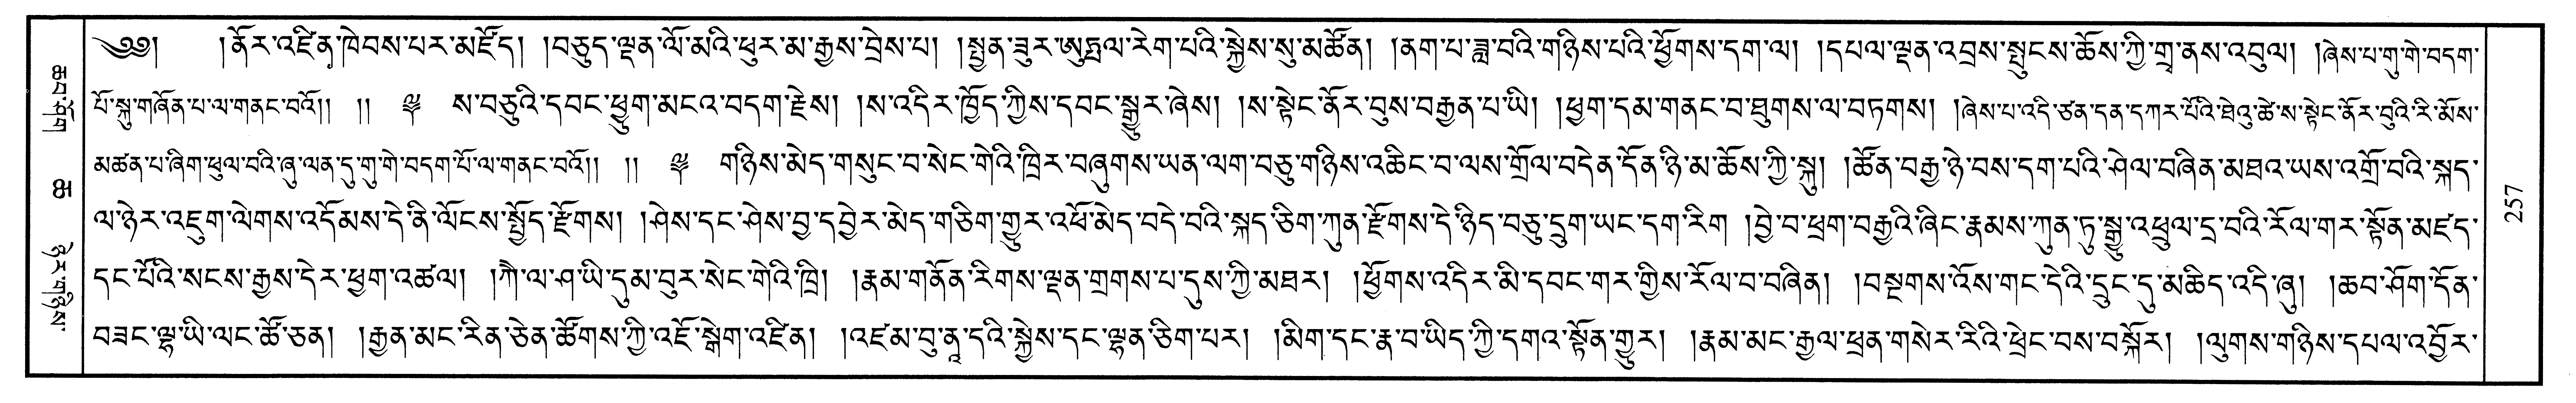༄༅། །ནོར་འཛིན་ཁེབས་པར་མཛོད། །བཅུད་ལྡན་ལོ་མའི་ཕུར་མ་རྒྱས་བྲེས་པ། །སྤྱན་ཟུར་ཨུཏྤལ་རེག་པའི་སྐྱེས་སུ་མཚོན། །ནག་པ་ཟླ་བའི་གཉིས་པའི་ཕྱོགས་དག་ལ། །དཔལ་ལྡན་འབྲས་སྤུངས་ཆོས་ཀྱི་གྲྭ་ནས་འབུལ། །ཞེས་པ་གུ་གེ་བདག་
པོ་སྐུ་གཞོན་པ་ལ་གནང་བའོ།། །། ༈ ས་བཅུའི་དབང་ཕྱུག་མངའ་བདག་རྗེས། །ས་འདིར་ཁྱོད་ཀྱིས་དབང་སྒྱུར་ཞེས། །ས་སྟེང་ནོར་བུས་བརྒྱན་པ་ཡི། །ཕྱག་དམ་གནང་བ་ཐུགས་ལ་བཏགས། །ཞེས་པ་འདི་ཙན་དན་དཀར་པོའི་ཐེའུ་ཚེ་ས་སྟེང་ནོར་བུའི་རི་མོས་
མཚན་པ་ཞིག་ཕུལ་བའི་ཞུ་ལན་དུ་གུ་གེ་བདག་པོ་ལ་གནང་བའོ།། །། ༈ གཉིས་མེད་གསུང་བ་སེང་གེའི་ཁྲིར་བཞུགས་ཡན་ལག་བཅུ་གཉིས་འཆིང་བ་ལས་གྲོལ་བདེན་དོན་ཉི་མ་ཆོས་ཀྱི་སྐུ། །ཚོན་བརྒྱ་ཉེ་བས་དག་པའི་ཤེལ་བཞིན་མཐའ་ཡས་འགྲོ་བའི་སྐད་
ལ་ཉེར་འཇུག་ལེགས་འདོམས་དེ་ནི་ལོངས་སྤྱོད་རྫོགས། །ཤེས་དང་ཤེས་བྱ་དབྱེར་མེད་གཅིག་གྱུར་འཕོ་མེད་བདེ་བའི་སྐད་ཅིག་ཀུན་རྫོགས་དེ་ཉིད་བཅུ་དྲུག་ཡང་དག་རིག །བྱེ་བ་ཕྲག་བརྒྱའི་ཞིང་རྣམས་ཀུན་ཏུ་སྒྱུ་འཕྲུལ་དྲ་བའི་རོལ་གར་སྟོན་མཛད་
དང་པོའི་སངས་རྒྱས་དེར་ཕྱག་འཚལ། །ཀཻ་ལ་ཤ་ཡི་དུམ་བུར་སེང་གེའི་ཁྲི། །རྣམ་གནོན་རིགས་ལྡན་གྲགས་པ་དུས་ཀྱི་མཐར། །ཕྱོགས་འདིར་མི་དབང་གར་གྱིས་རོལ་བ་བཞིན། །བསྔགས་འོས་གང་དེའི་དྲུང་དུ་མཆིད་འདི་ཞུ། །ཆབ་ཤོག་དོན་
བཟང་ལྷ་ཡི་ལང་ཚོ་ཅན། །རྒྱན་མང་རིན་ཅེན་ཚོགས་ཀྱི་འཇོ་སྒེག་འཛིན། །འཛམ་བུ་ནཱ་དའི་སྐྱེས་དང་ལྷན་ཅིག་པར། །མིག་དང་རྣ་བ་ཡིད་ཀྱི་དགའ་སྟོན་གྱུར། །རྣམ་མང་རྒྱལ་ཕྲན་གསེར་རིའི་ཕྲེང་བས་བསྐོར། །ལུགས་གཉིས་དཔལ་འབྱོར་